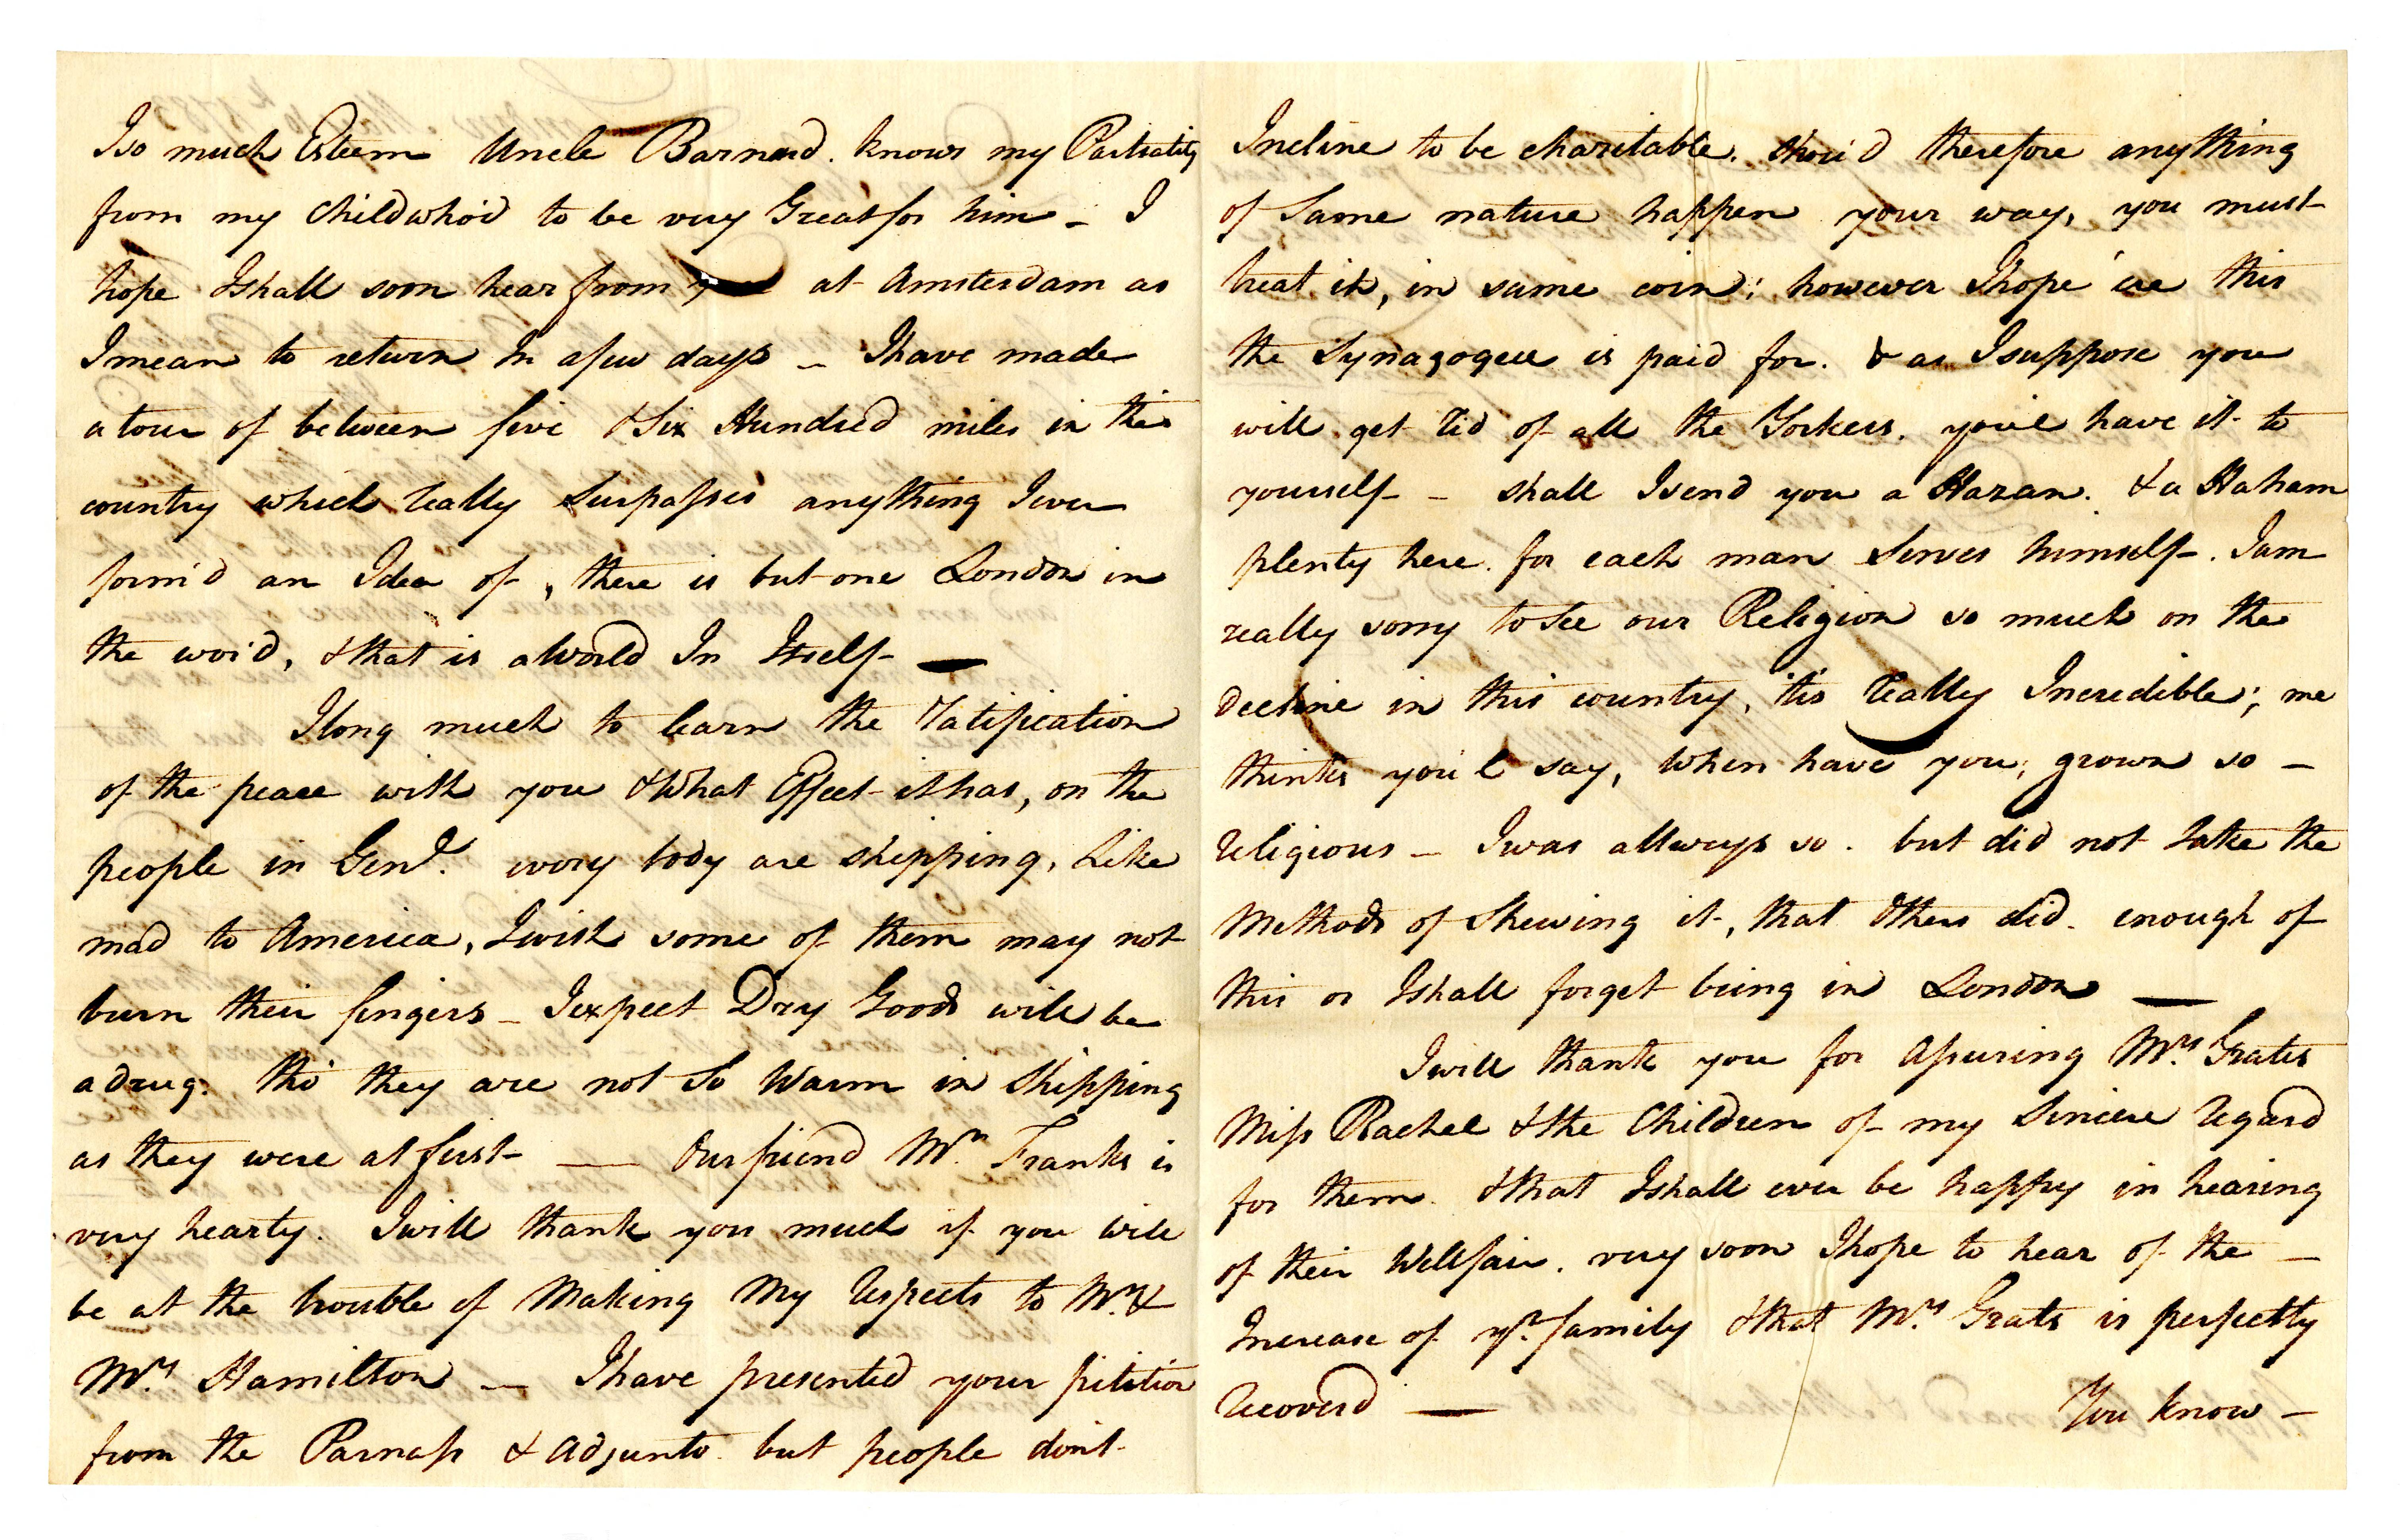I so much Esteem Uncle Barnard. knows my Partiality
from my child who'd to be very great for him.- I
hope I shall soon hear from [you] at Amsterdam as
I mean to return in a few days- I have made
a tour of between five & six Hundred miles in this
country which really surpassed anything I ever
form'd an idea of, there is but one London in
the wor'd, & that is a world In Itself.-
I long much to learn the satisfaction
of the place with you & what Effect it has, on the
people in Gen^l. every body are shipping, like
mad to America, I wish some of them may not
burn their fingers- I expect Dry Good will be
a drag.- tho' they are not so warm in shipping
as they were at first- Our friend M^r. Franks is
very hearty. I will thank you much if you will
be at the trouble of making my respects to M^r &
M^rs Hamilton.- I have presented your pitition
from the Parnass & Adjunts but people dont
Incline to be charitable. shou'd therefore any thing
of same nature happen your way, you must
treat it, in same coin; however I hope in this
the synagogue is paid for. & as I suppose you
will get rid of all the Yorkers, you'l have it to
yourself.- shall I send you a Haran. & a Raham
plenty here for each man serves himself. I am
really sorry to see our Religion so much on the
decline in this county, 'tis really Incredible; me
thinks you'l say, when have you, grown so.-
religious- I was allways so. but did not take the
method of shewing it, that those did. enough of
this or I shall forget being in London
I will thank you for Assuring M^rs. Gratz
Miss Rachel & the Children of my sincere regard
for them. & that I shall ever be happy in hearing
of their welfare. very soon I hope to hear of the
Increase of y^r. family that M^rs Gratz is perfectly
recoverd
You know-